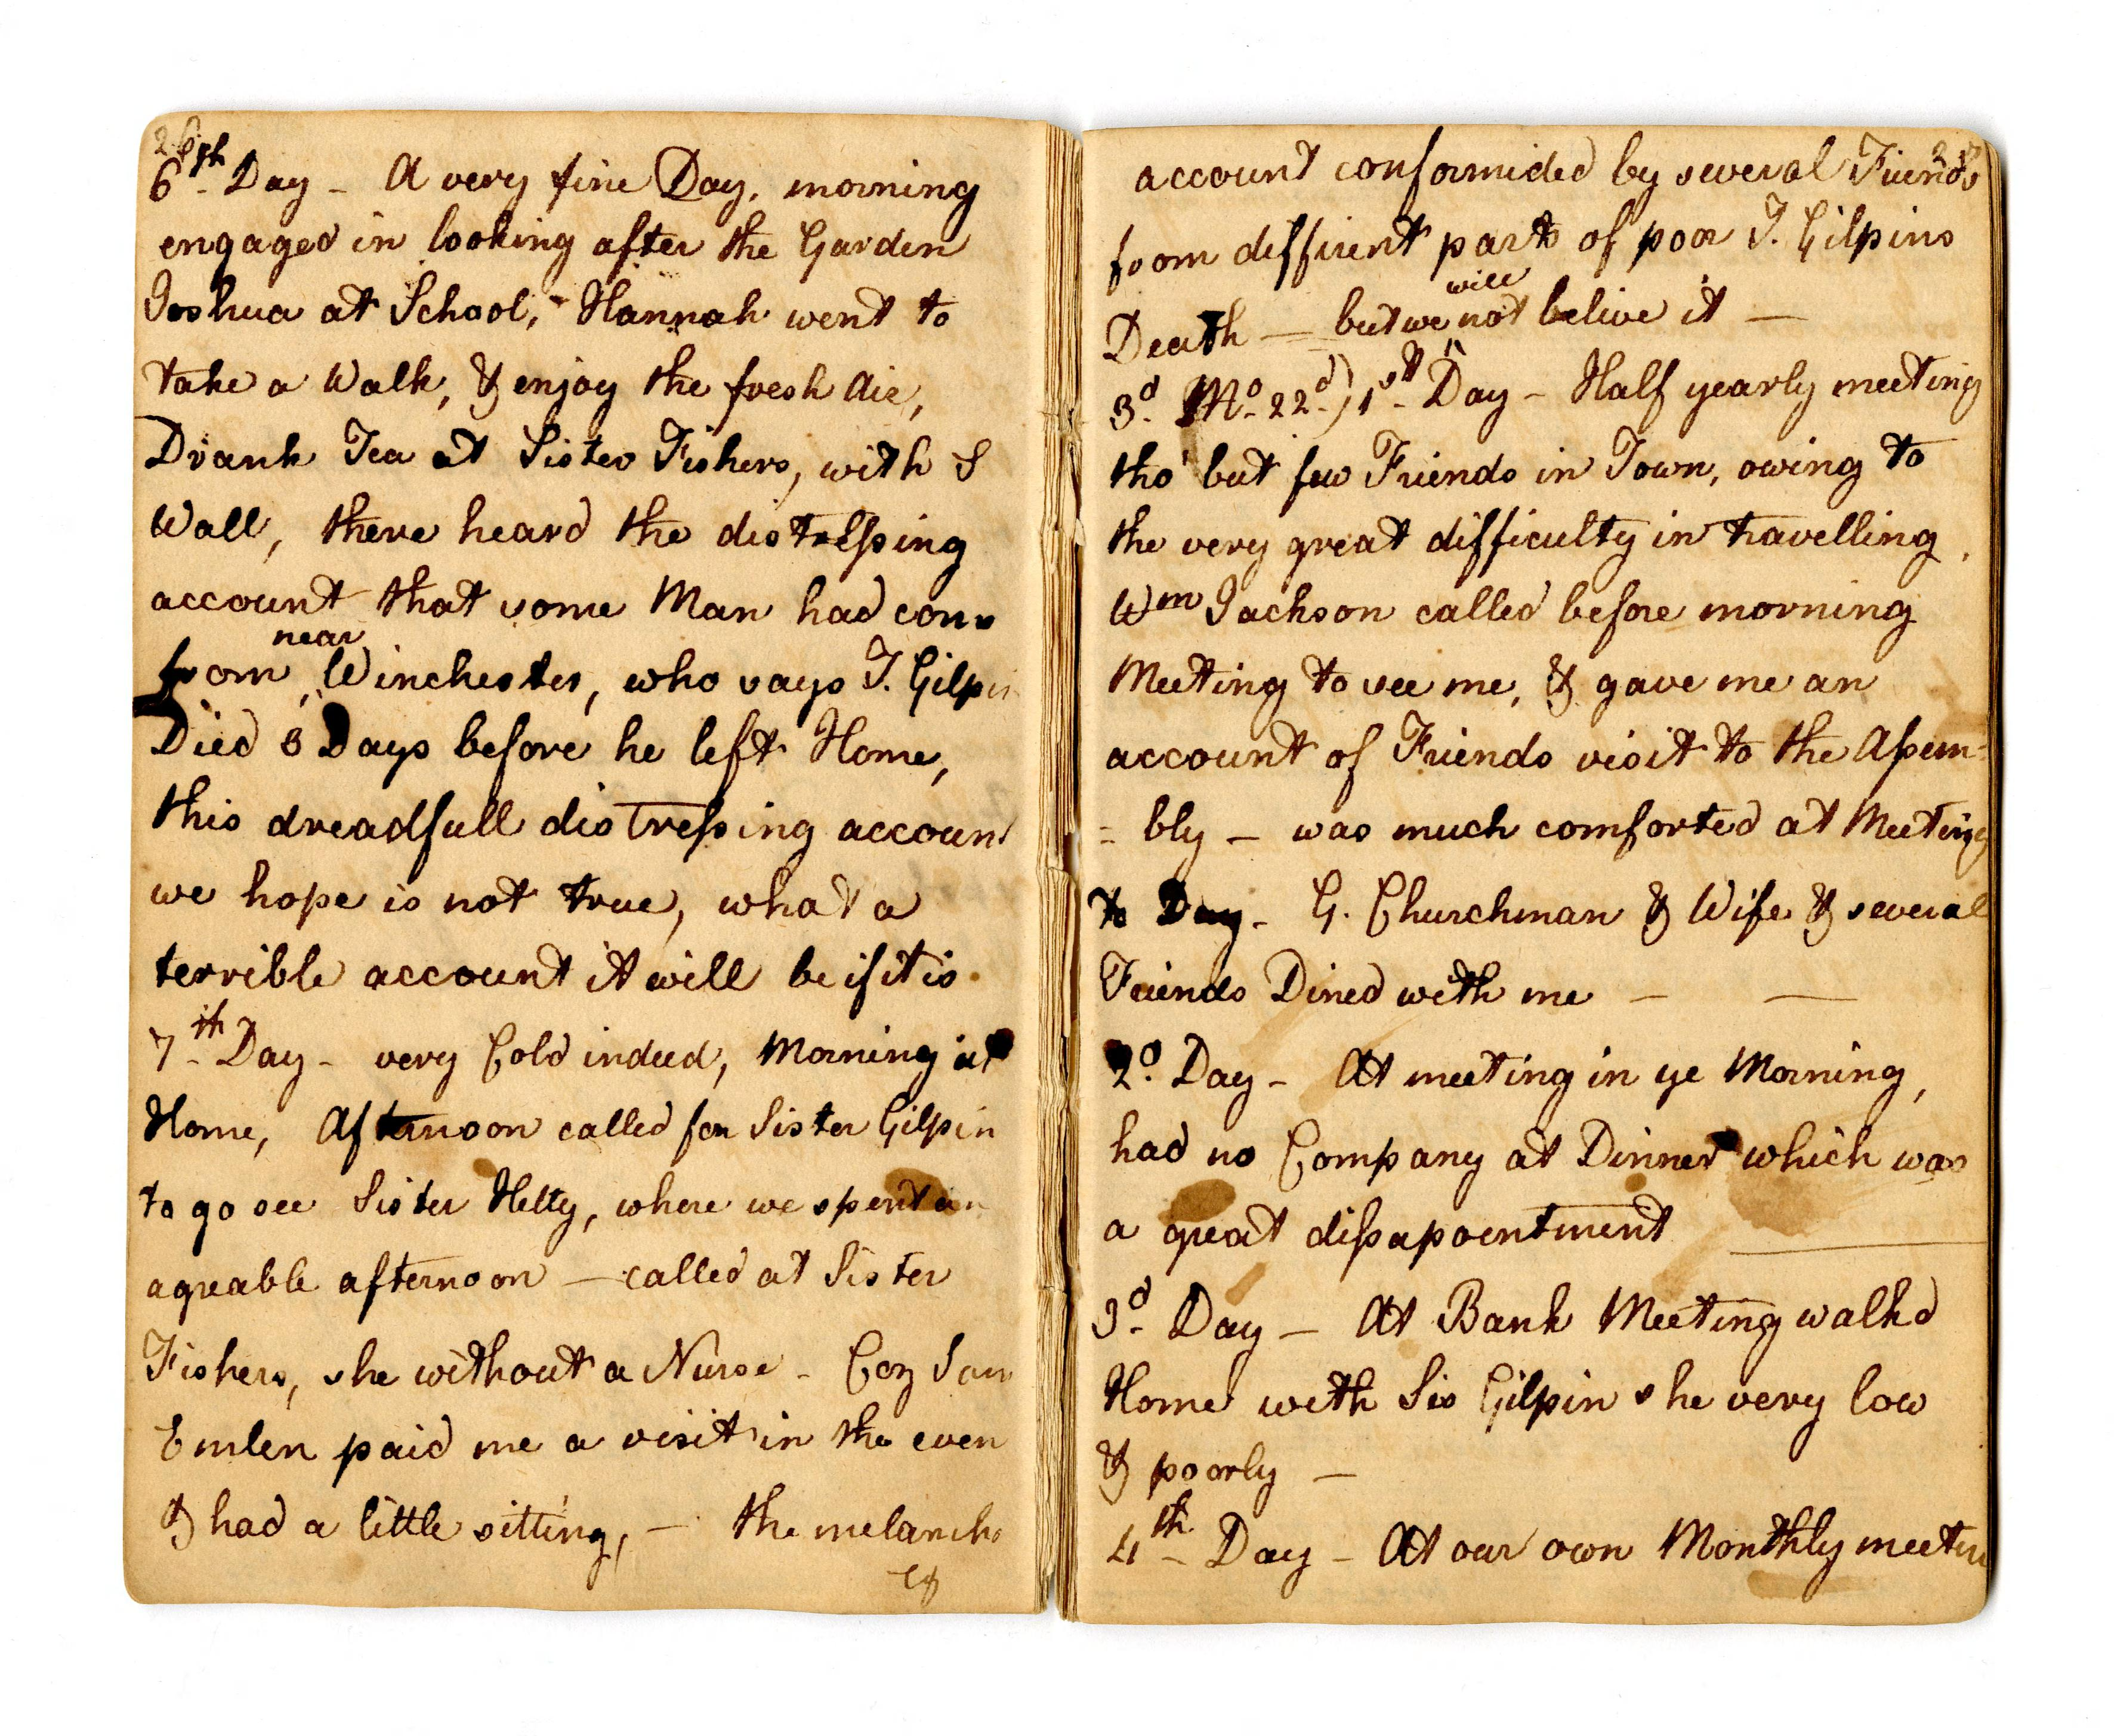26
6^th Day- A very fine Day, morning
engaged in looking after the Garden
Joshua at School, Hannah went to
take a Walk, & enjoy the fresh Air,
Drank Tea at Sister Fishers, with S
Wall, there heard the distressing
account that some Man had come
near
from ^ Winchester, who says T. Gilpin
Died 3 Days before he left Home,
this dreadfull distressing account
we hope is not true, what a
terrible account it will be if it is.
7^th Day- very Cold indeed, Morning at
Home, Afternoon called for Sister Gilpin
to go see Sister Hetty, where we spent an
agreable afternoon- called at Sister
Fishers, she without a Nurse- Coz Sam
Emlen paid me a visit in the even
& had a little sitting,- the melanchol
ly
account conformided by several Friends
27
from different parts of poor T. Gilpins
will
Death- but we ^ not belive it-
3^d. M^o 22^d) 1^st Day- Half yearly meeting
tho' but few Friends in Town, owing to
the very great difficulty in travelling
W^m Jackson called before morning
Meeting to see me, & gave me an
account of Friends visit to the Assem-
-bly- was much comforted at Meeting
to Day- G. Churchman & Wife & several
Friends Dined with me-
2^d. Day- At meeting in ye Morning,
had no Company at Dinner which was
a great dissapointment
3^d. Day- At Bank Meeting walkd
Home with Sis Gilpin she very low
& poorly-
4^th Day- At our own Monthly meetng